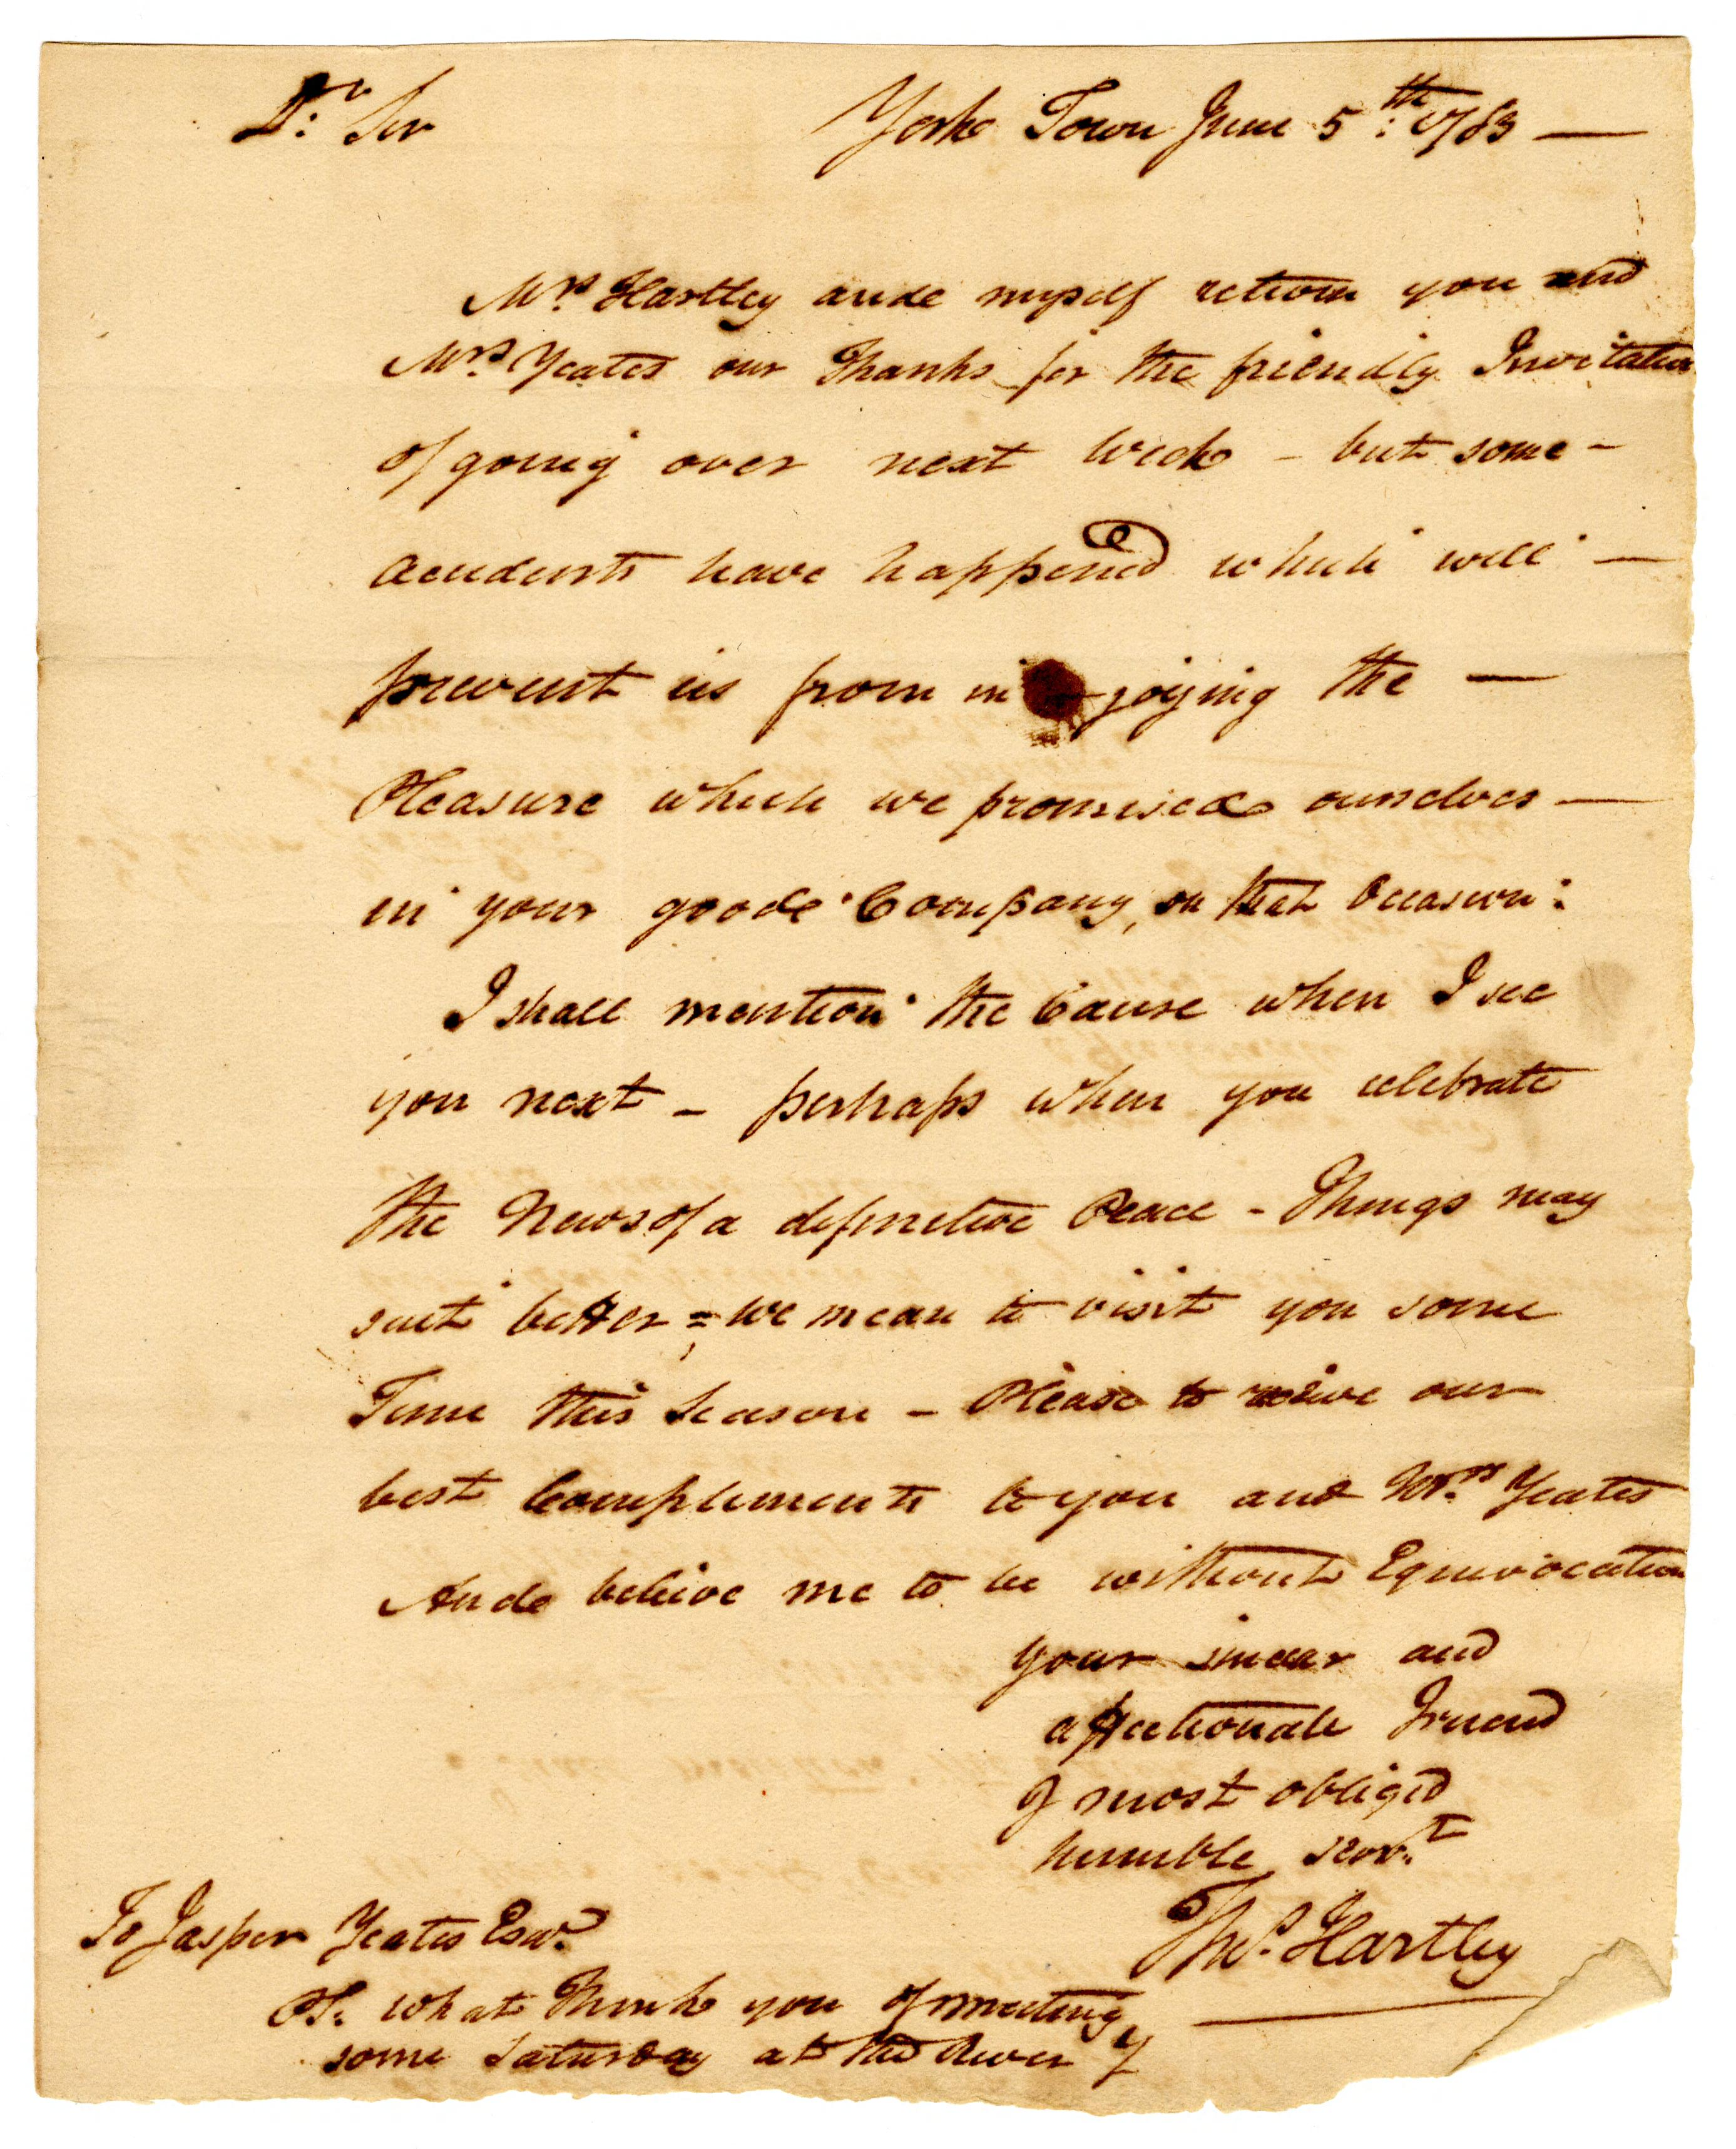Yorke Town June 5^th. 1783
D^r. Sir
M^rs. Hartley ande myself return you and
M^rs. Yeates our Thanks for the friendly Invitation
of going over next week- but some-
Accidents have happened which will
prevent us from in -joying the
Pleasure which we promised ourselves
in your goode Company on that Occasion:
I shall motion the Cause when I see
you next- perhaps when you celebrate
the News of a defensive Peace. Things may
suit better - We mean to visit you some
Time this Season- Please to raise our
best Compliments to you and M^rs. Yeates
Ande beleive me to be without Equivocation
your sincear and
affectionate Friend
& most obliged
humble serv^t.
Tho^s Hartley
To Jasper Yeates Esq^r.
PS: what Think you of meeting
some Saturday at the River?